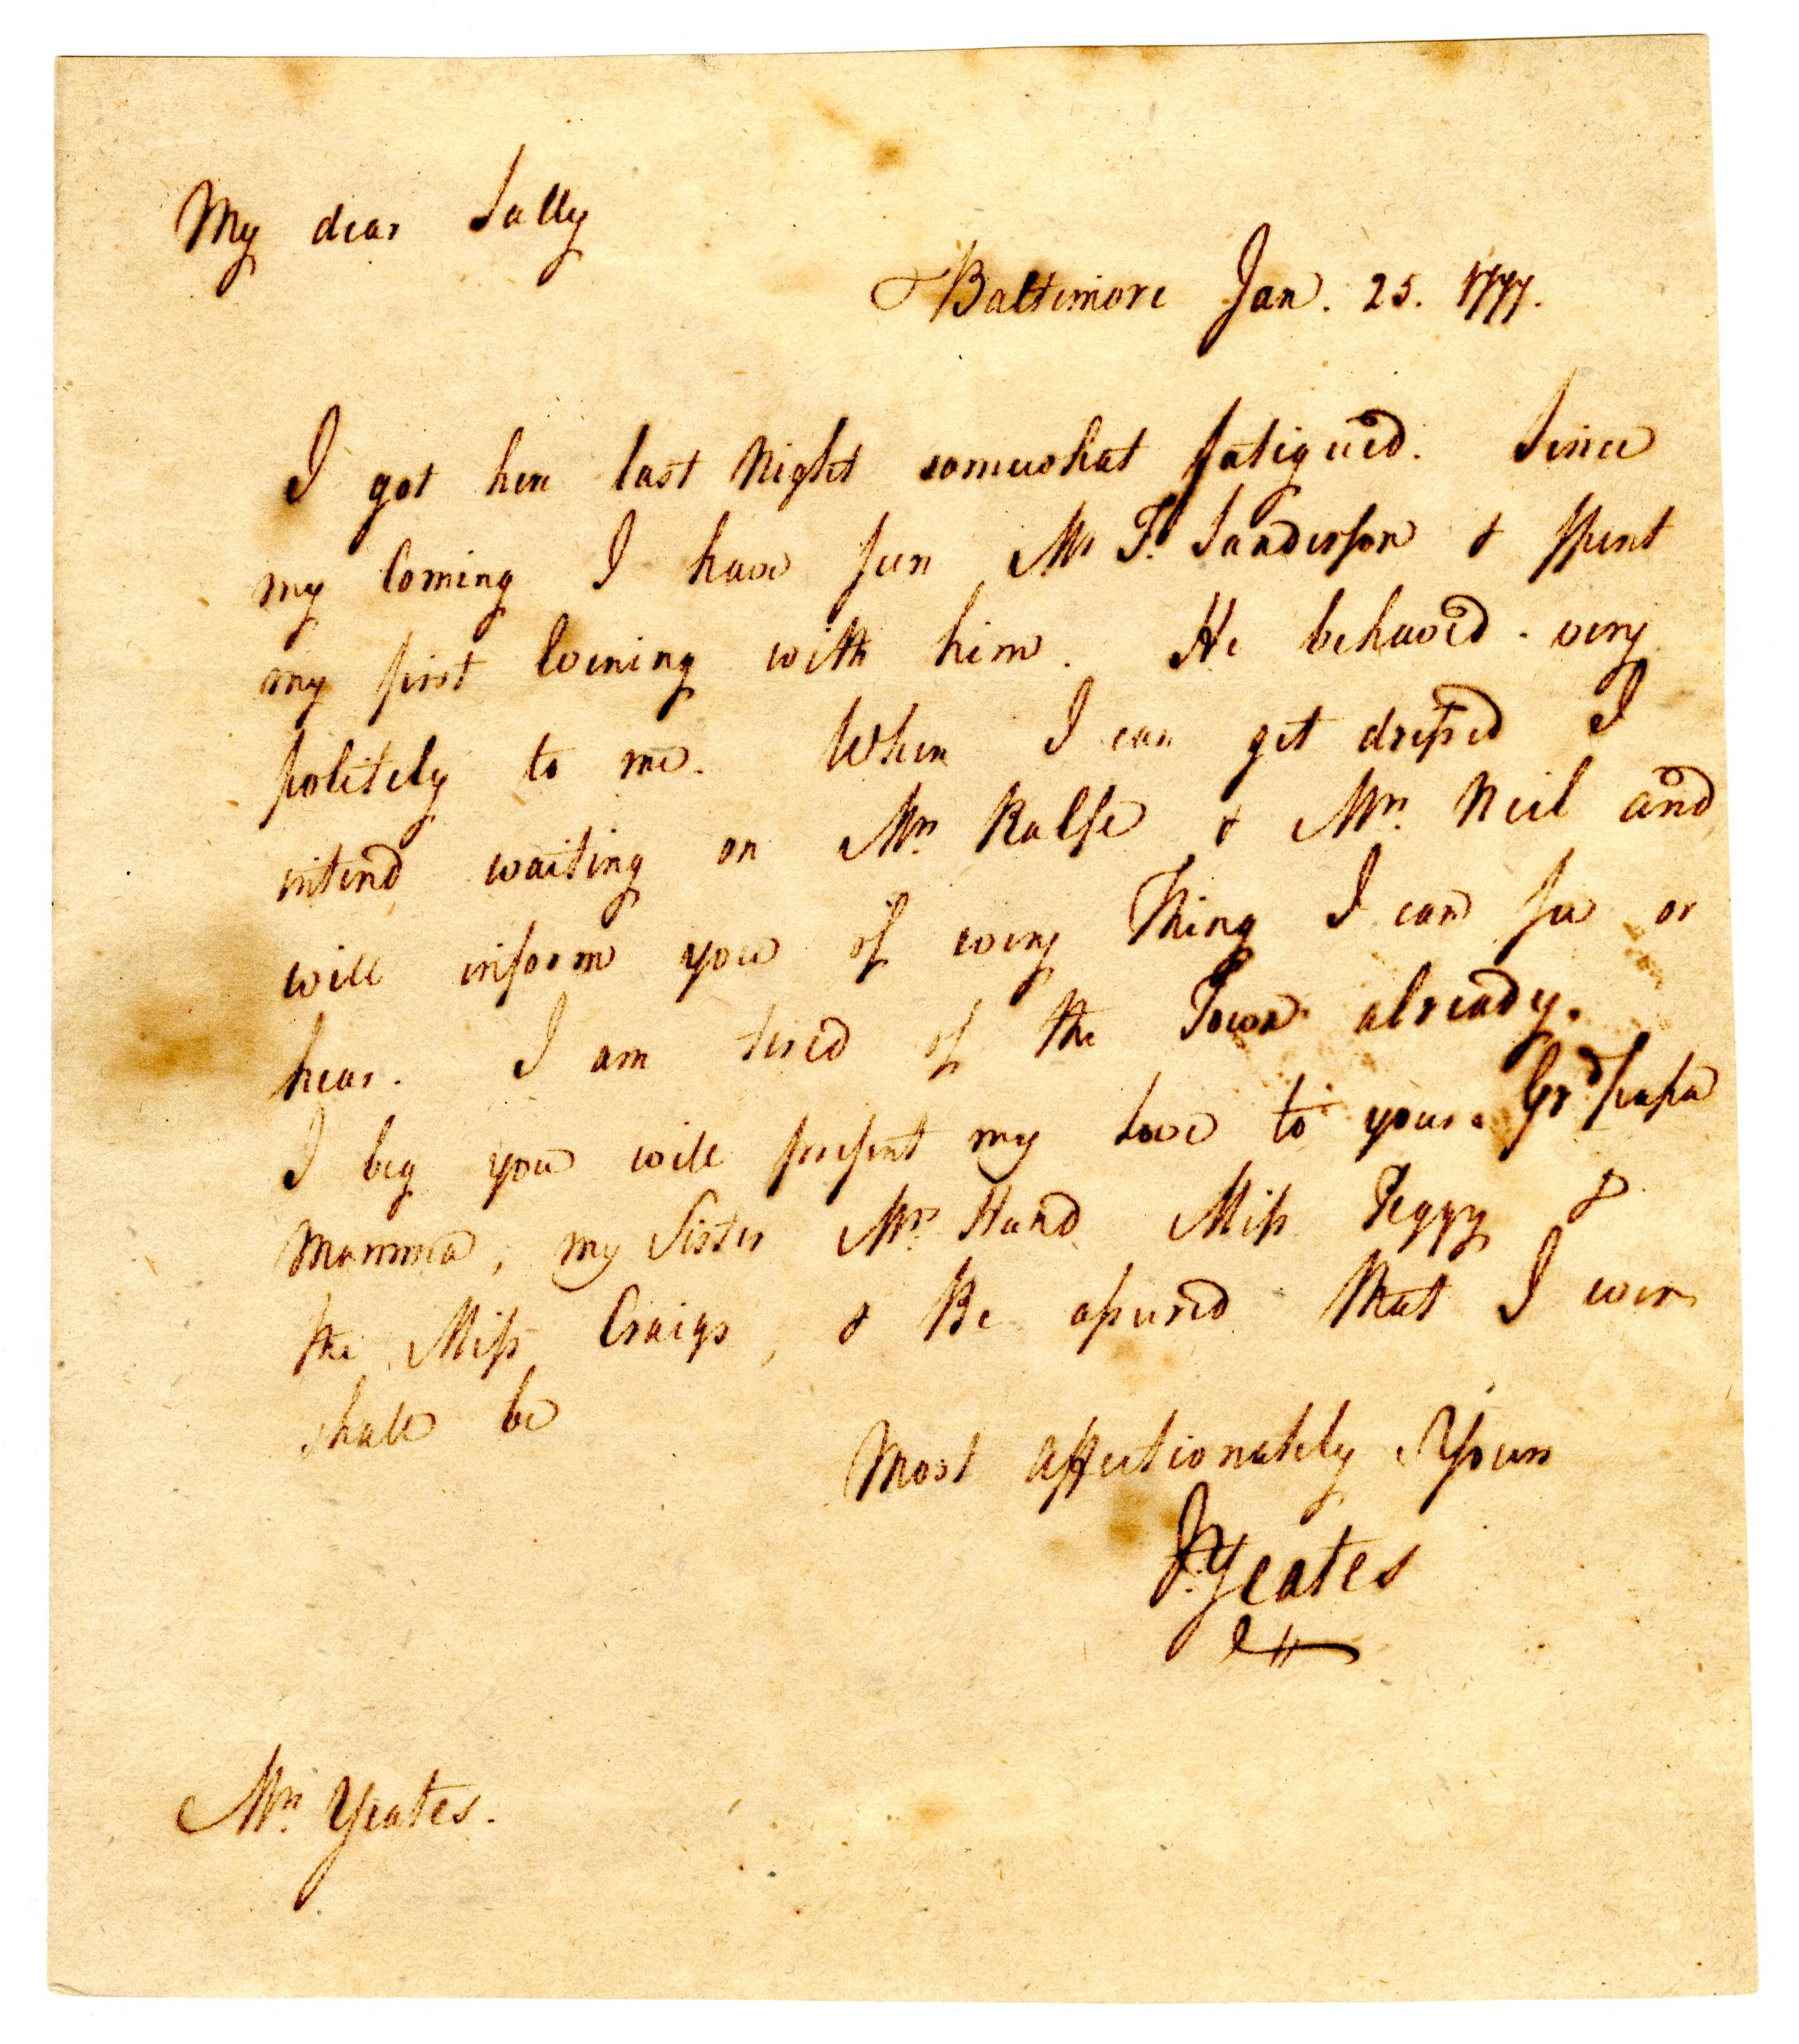Baltimore Jan. 25. 1777.
My dear Sally
I got here last Night somewhat fatigued. Since
my coming I have seen M^r F. Sanderson & spent
my first Evening with him. He behaved very
politely to me. When I can get dressed I
intend waiting on M^r. Ralfe & M^r. Neil and
will inform you of every thing I can see or
hear. I am tired of the Town already.
I beg you will present my Love to your Gr^d papa
momma, my Sister M^rs. Hand Miss Peggy &
the Miss Craigs, & Be assured that I ever
shall be
Most affectionately Yours
J. Yeates
M^r. Yeates.